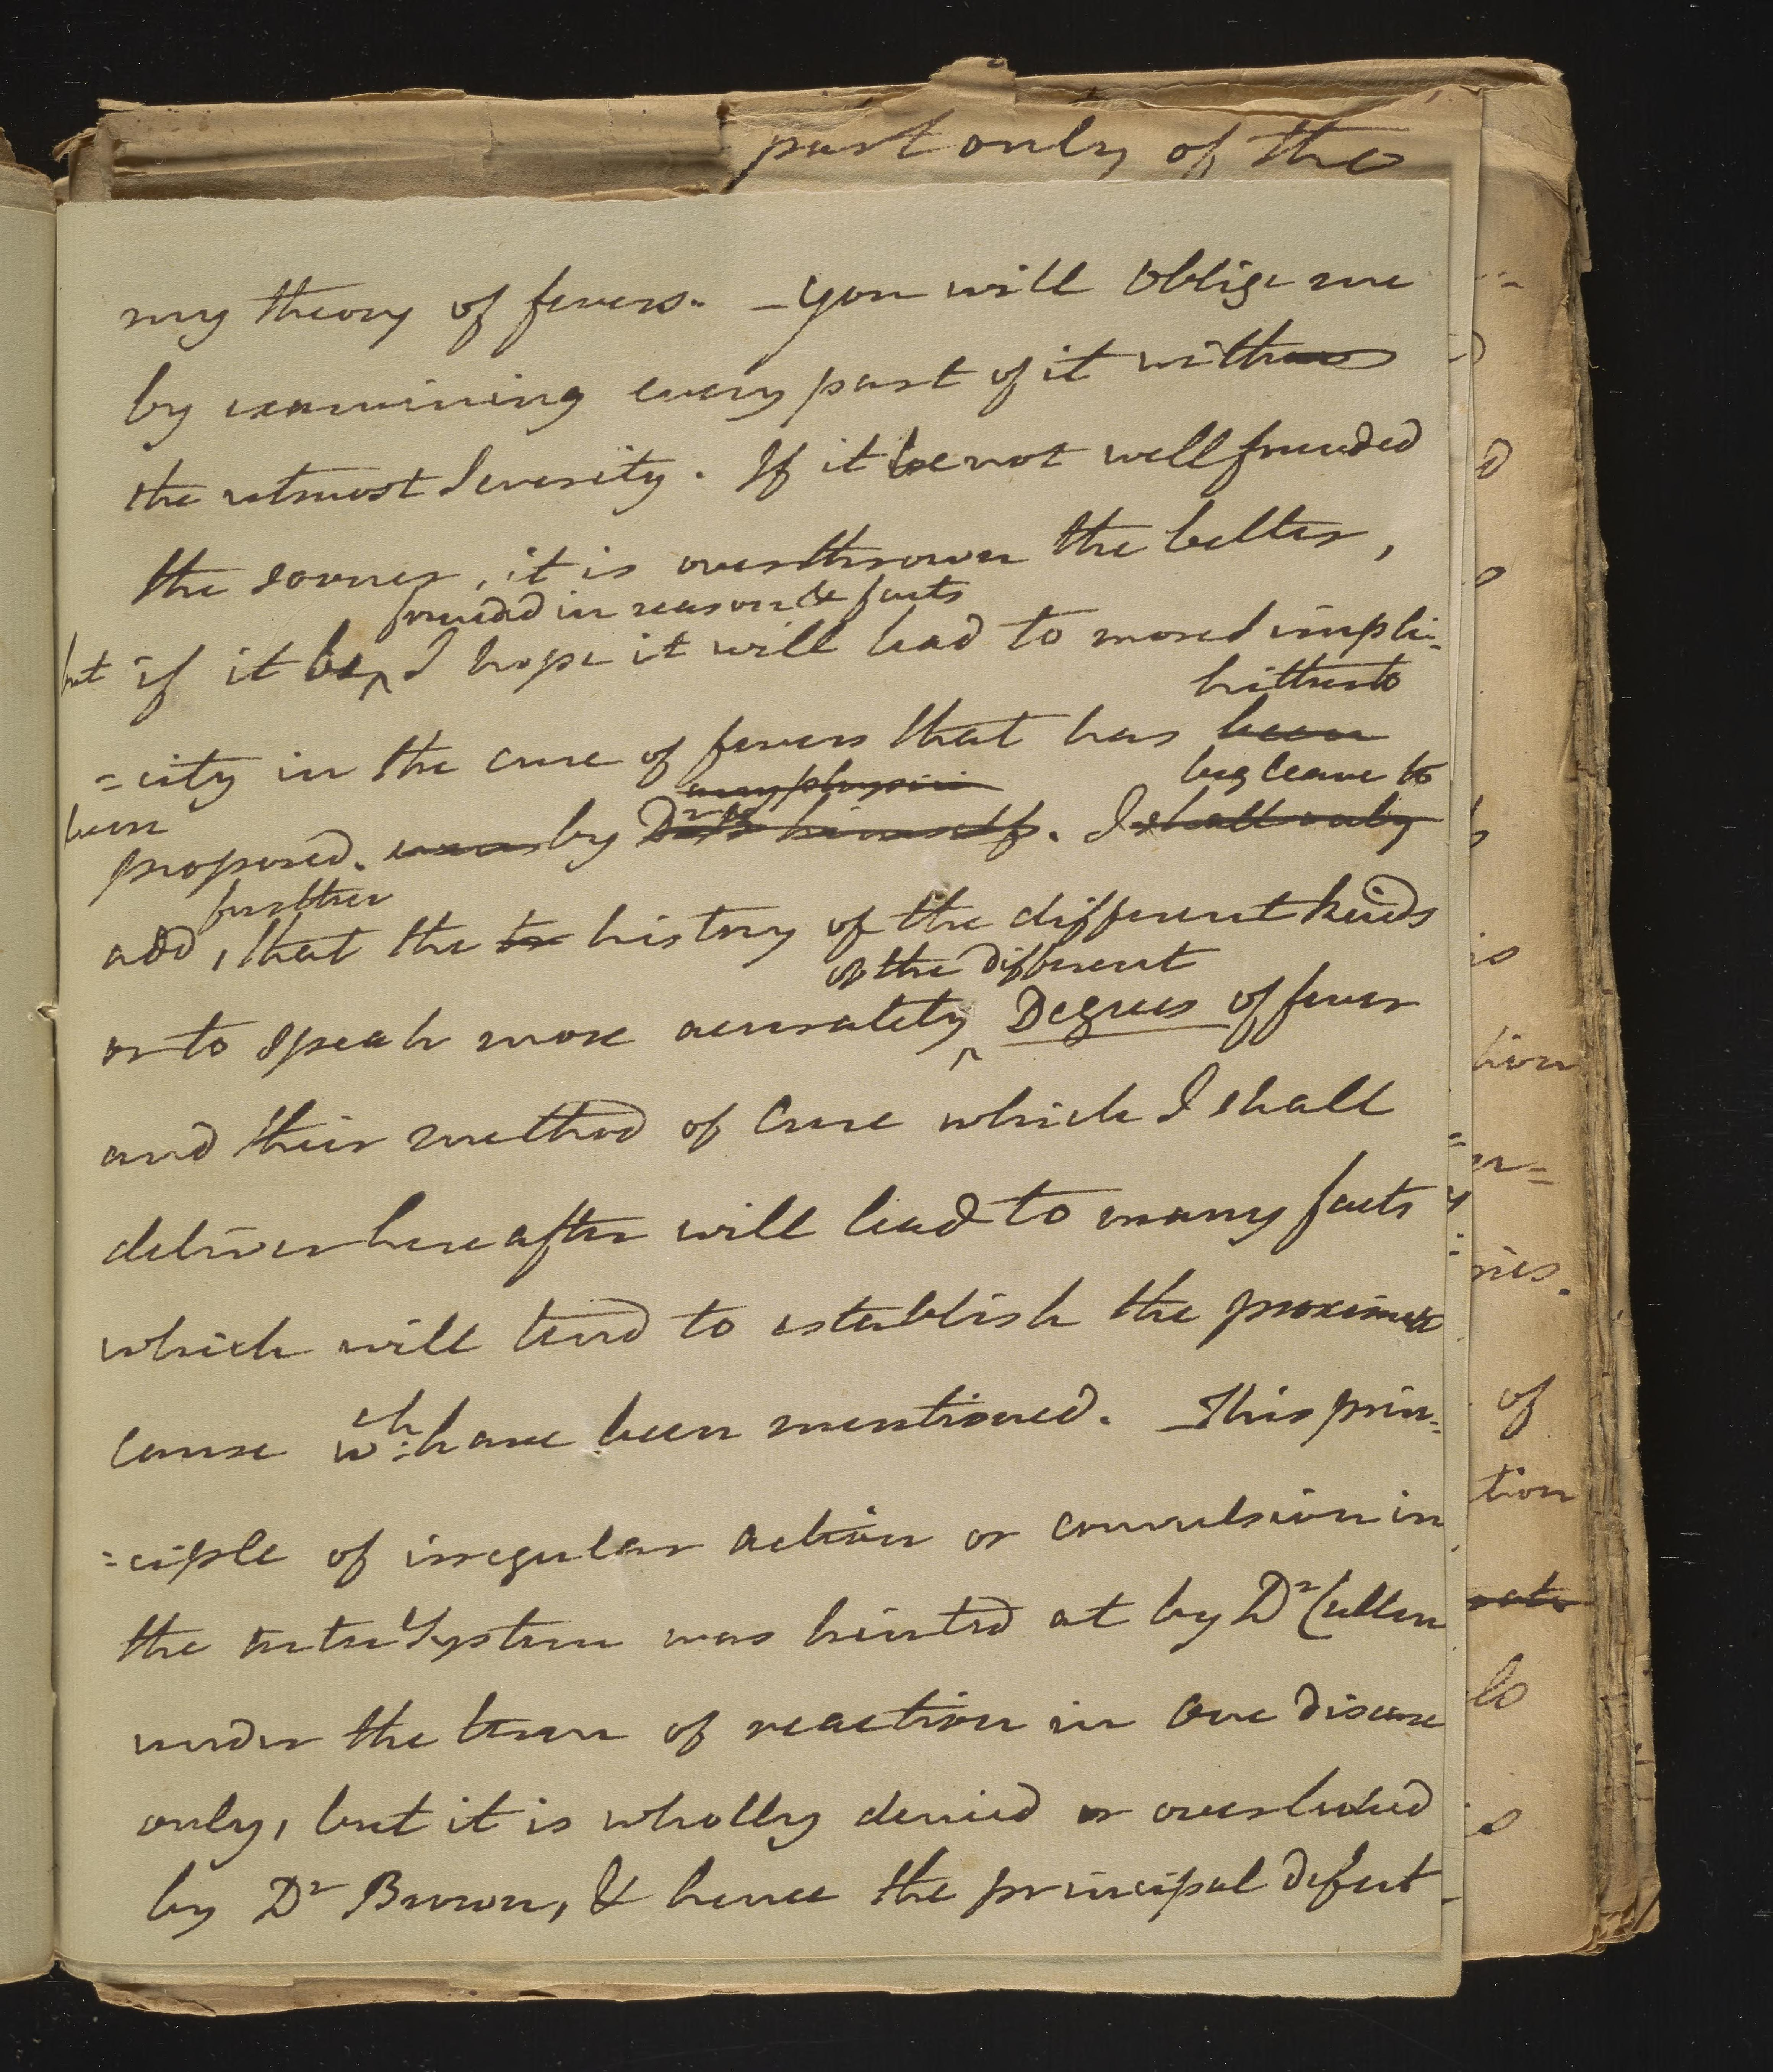my theory of fevers. you will oblige me
by examining every part of it with[ou]
the utmost severity. If it be not well founded
the souner, it is overthrown the better,
founded in reasonable facts
but if it be ^ I hope it will had to more simpli-
hitherto
-city in the care of fevers that has [been]
been
[_____]
Leeg Cease 16
proposed. [____] by [D^r himself]. I [shall only]
further
add, that the history of the different kinds
of the different
or to speak more accurately ^ Degrees of fever
and their method of cure which I shall
deliver hereafter will lead to many facts
which will tend to establish the proximate
cause w^ch: have been mentioned. This prin-
-ciple of irregular action or convulsion in
the entire System was hinted at by D^r Cullen
under the term of reaction in one discourse
only, but it is wholly denied or overlooked
by D^r Brown, & hence the principal defeat